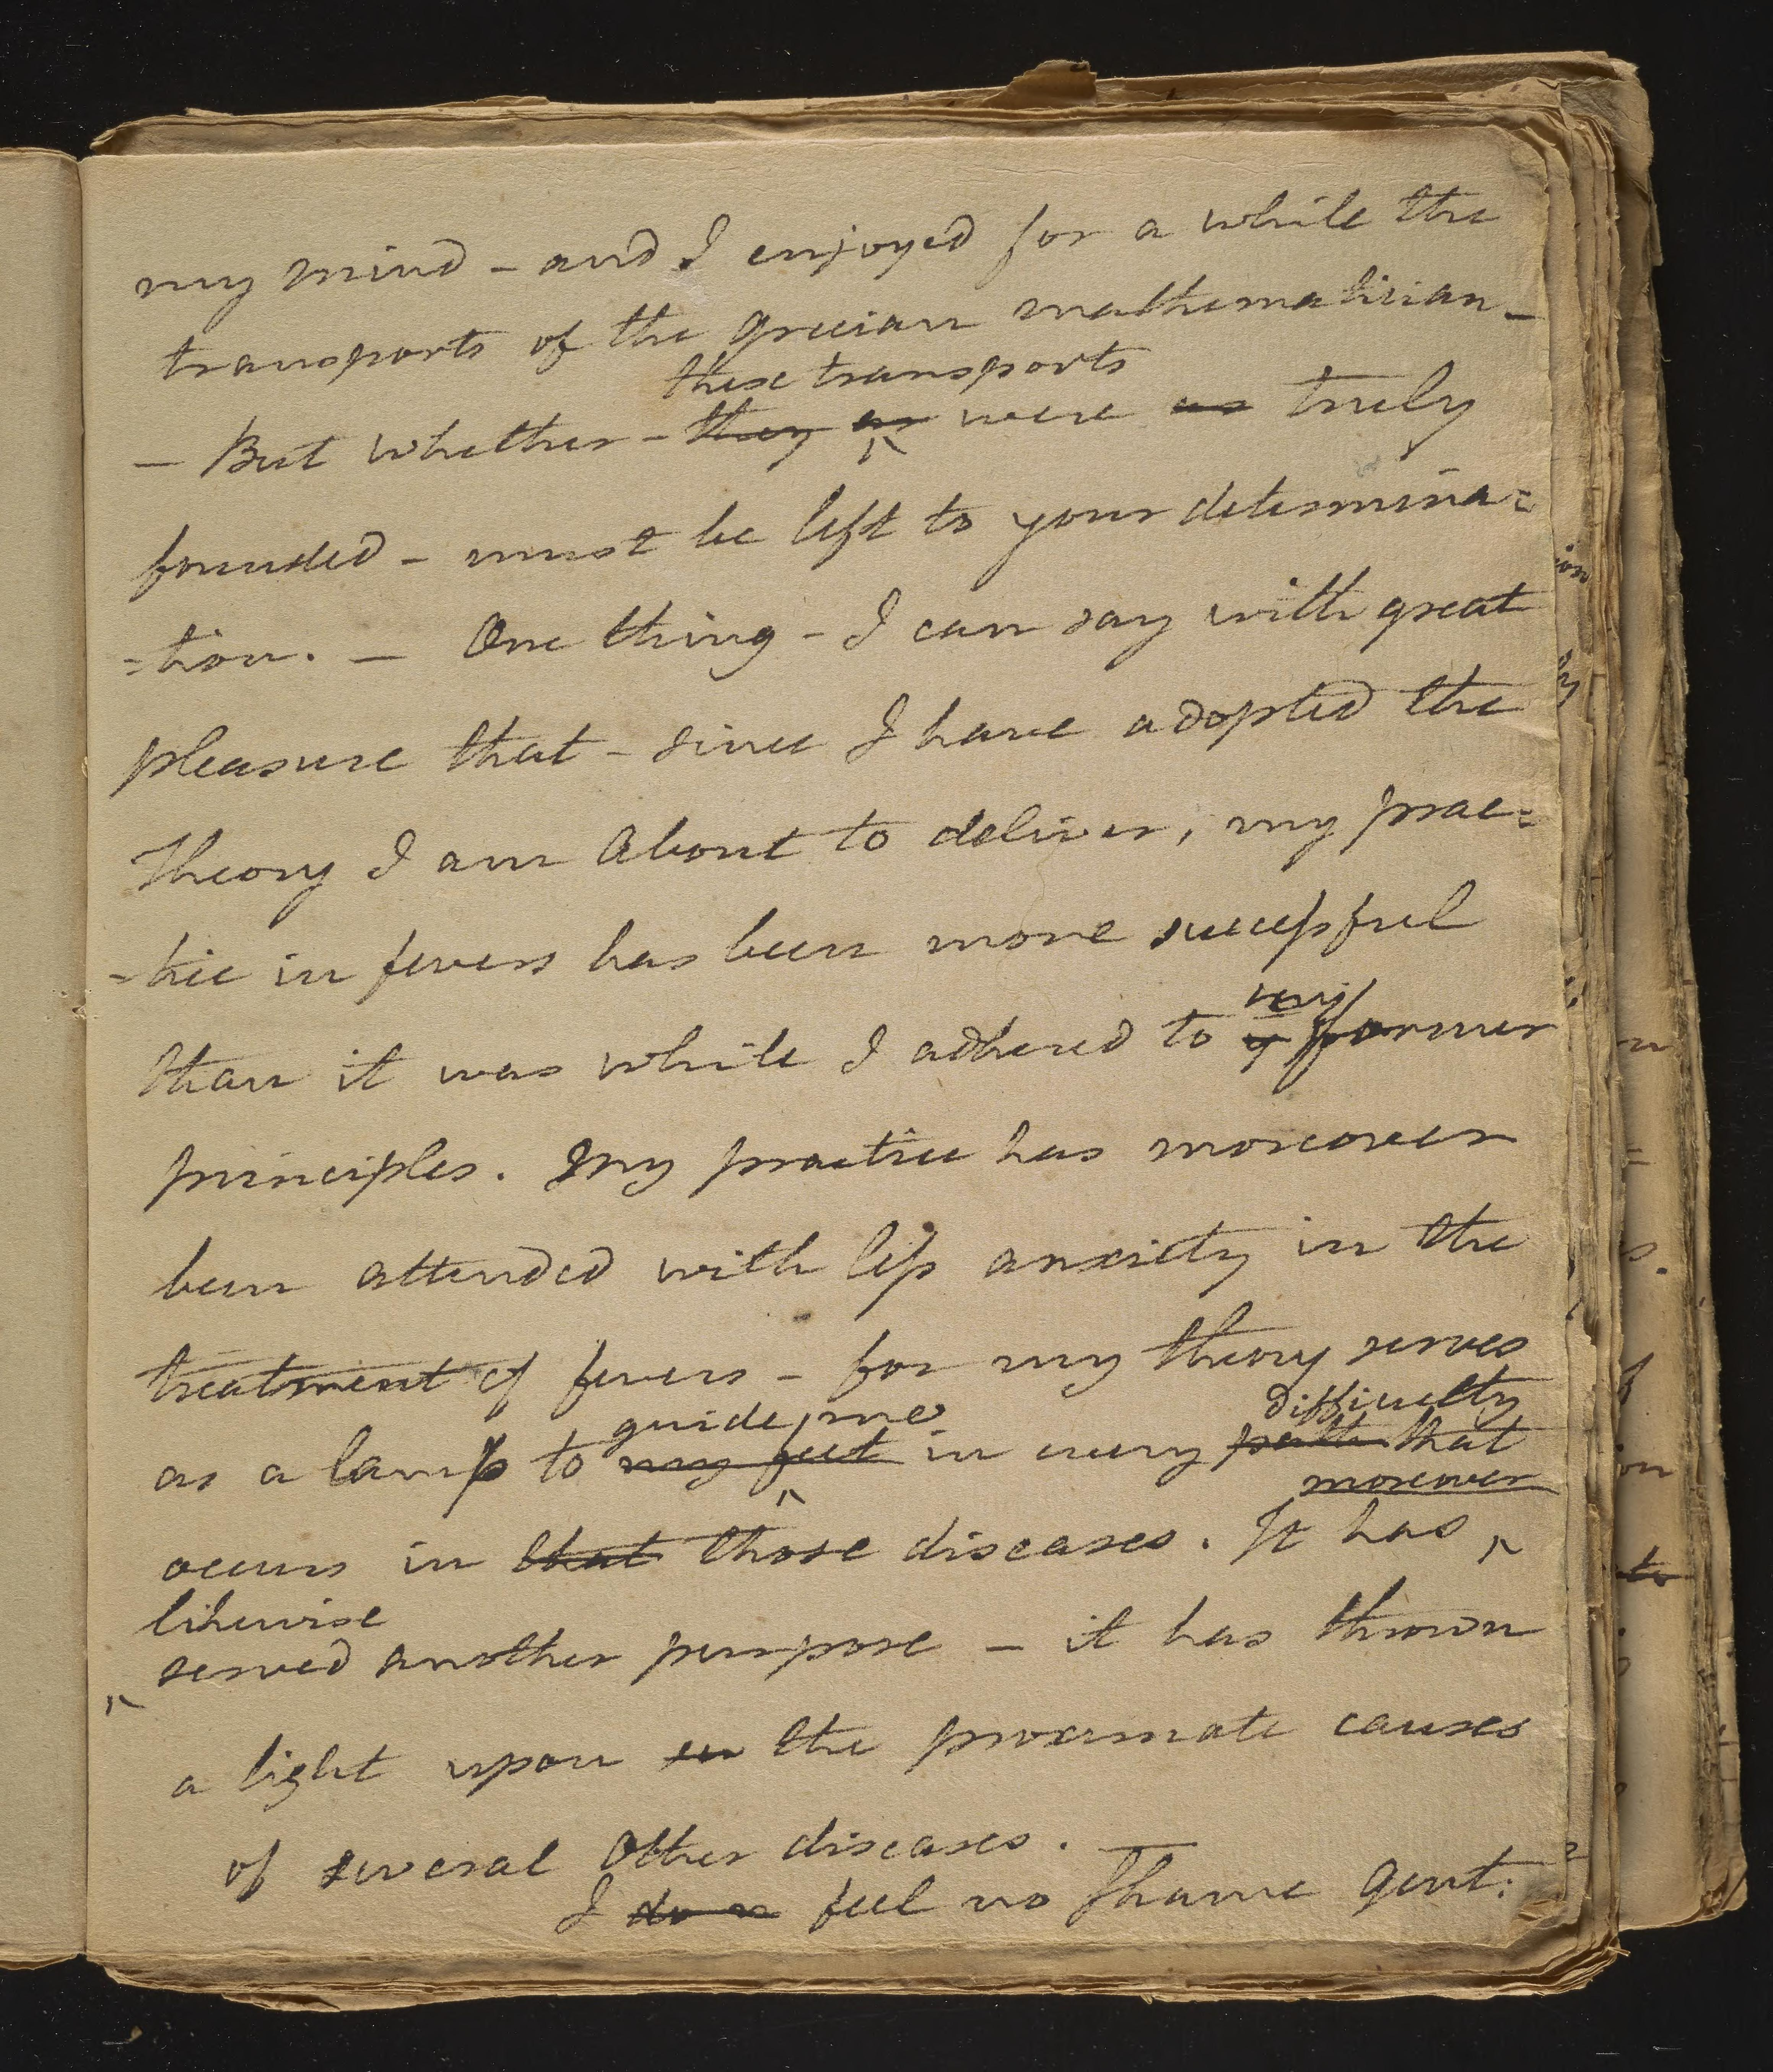my mind, and I enjoyed for a while the
transports of the grecian mathematician-
these transports
But whether- [they] [__] ^ were [as] truly
founded- must be left to your determina-
-tion.- One thing- I can say with great
pleasure that- since I have adopted the
Theory I am about to deliver, my prac-
-tic in fevers has been more successful
my
than it was while I adhered to [y] former
principles. My practice has moreover
been attended with less anxiety in the
treatment of fevers- for my theory serves
guide me
difficulty
as a lamp to [my feet] ^ in every [path] that
moreover
occurs in [that] diseases. It has ^
likewise
^served another purpose, it has thrown
a light upon the proximate causes
of several other diseases.
I [do n] feel I have gent: